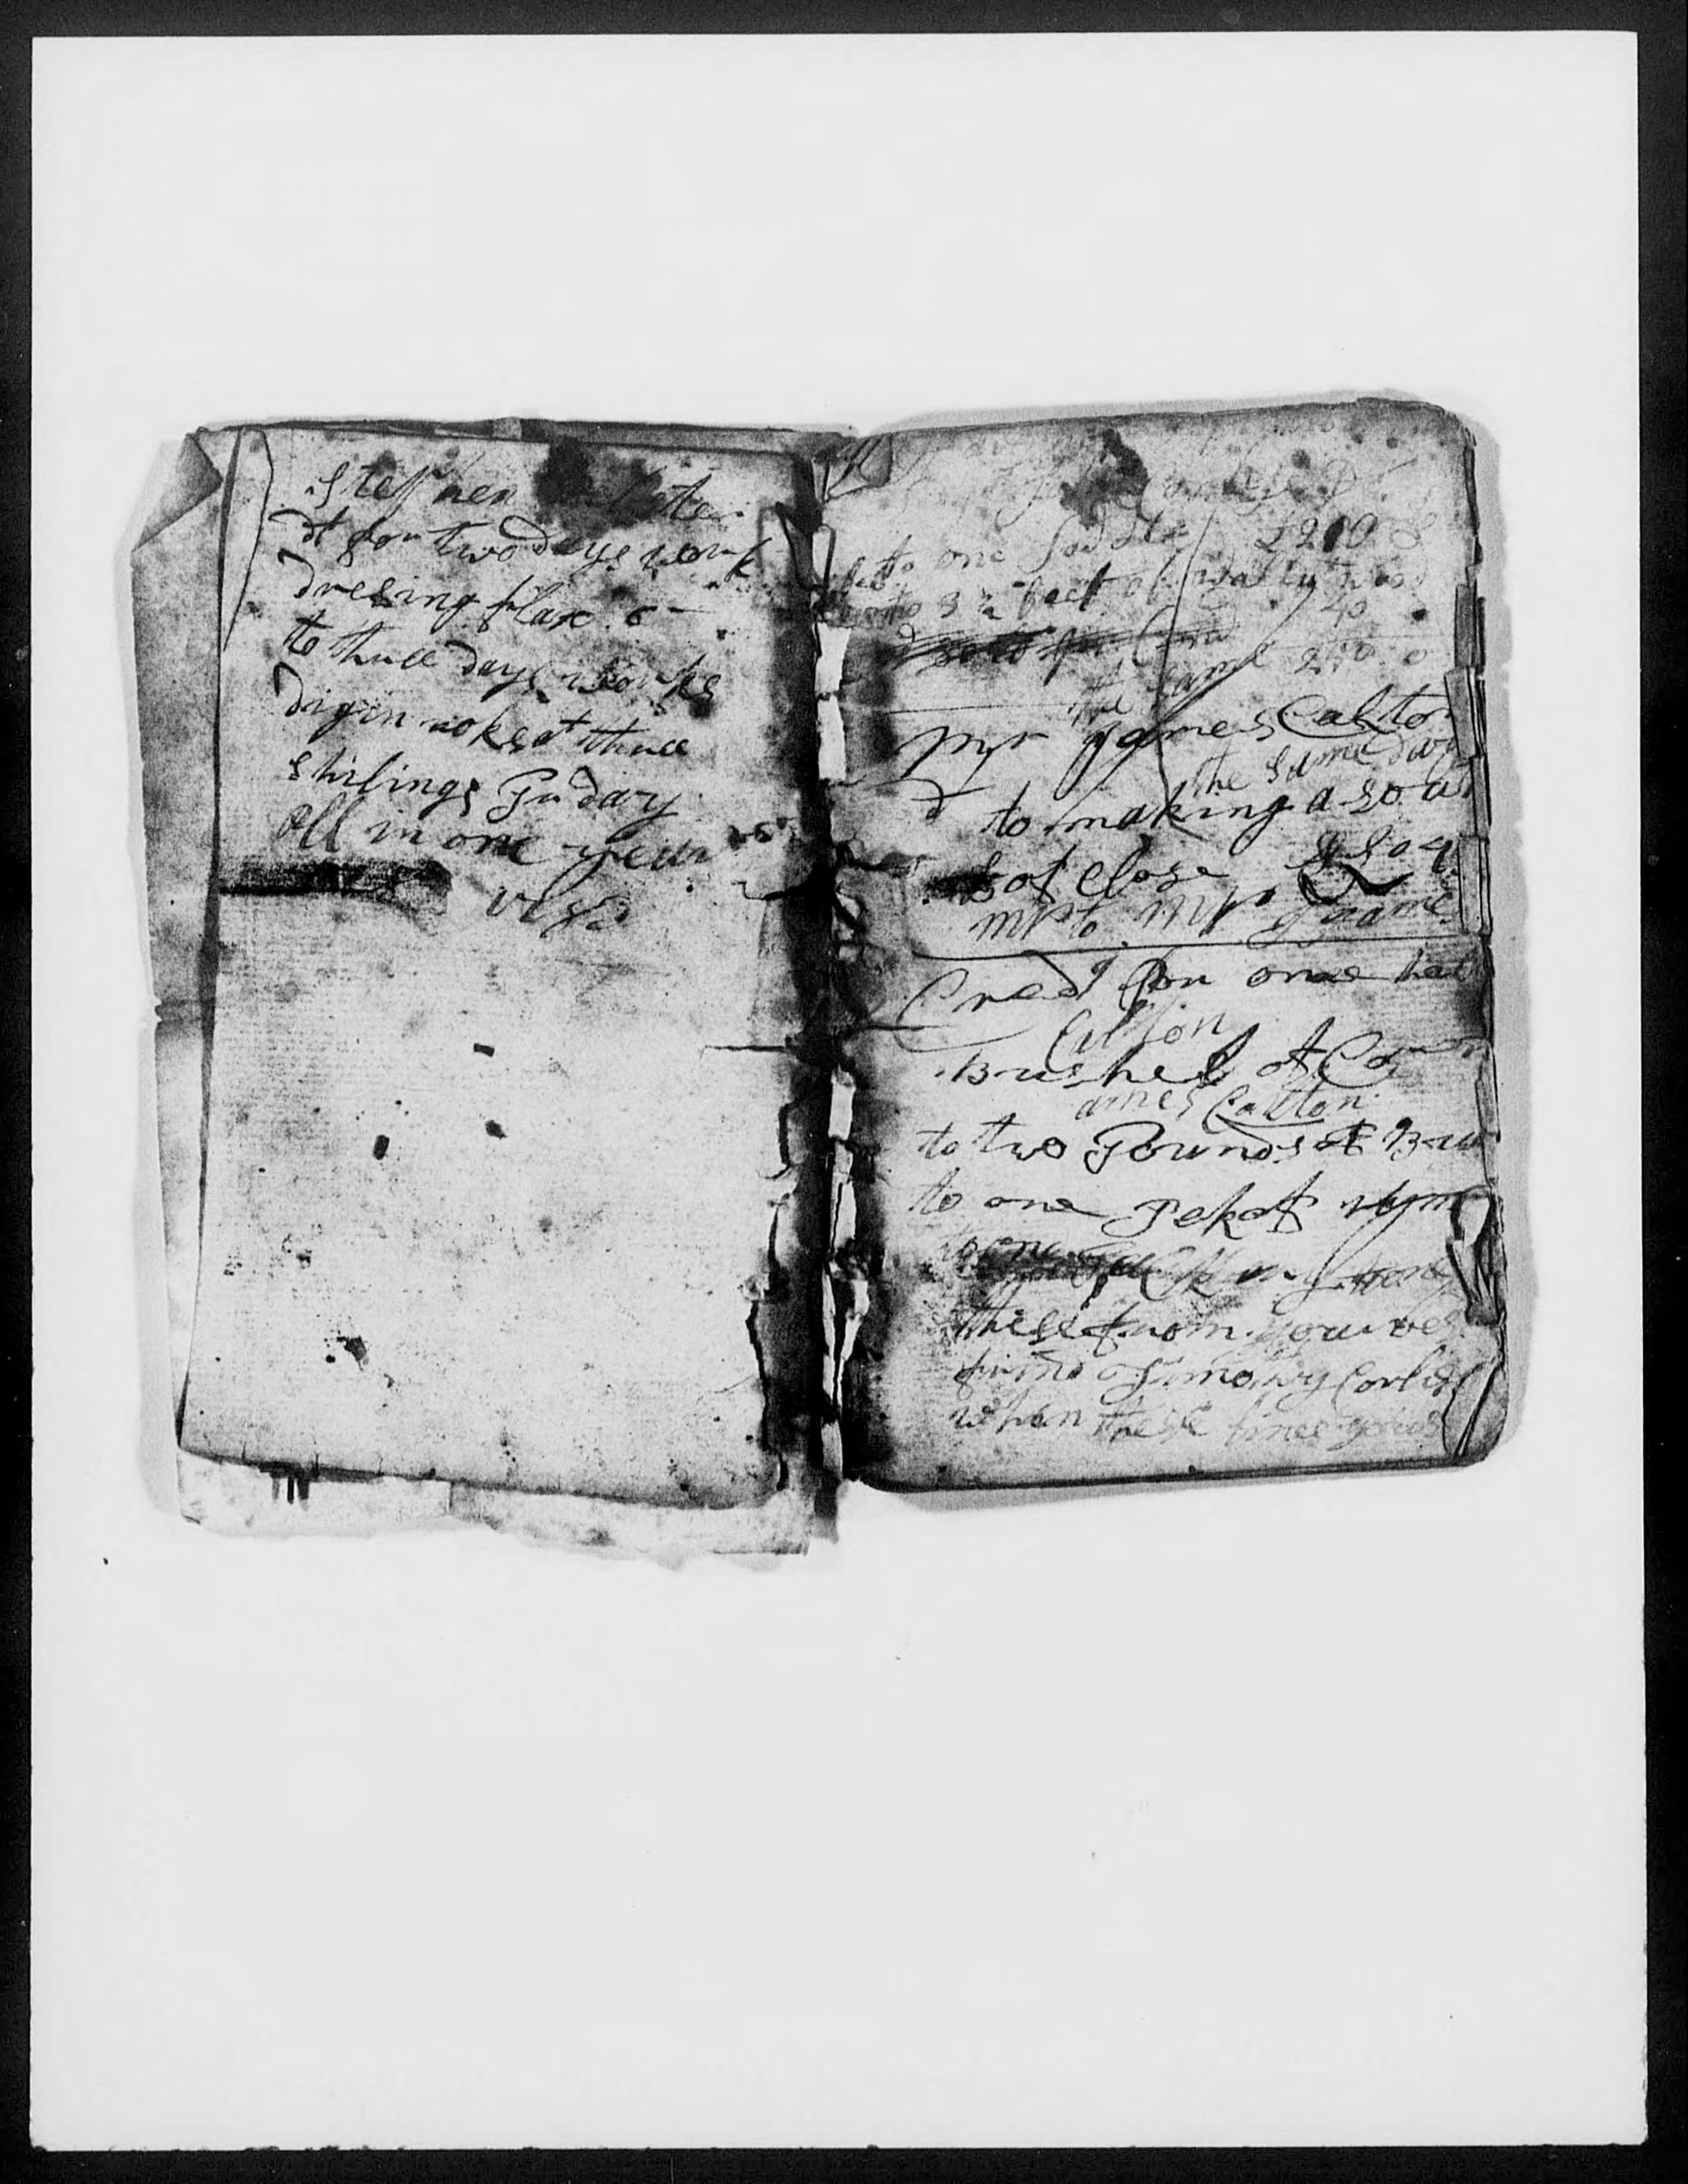[Left side:]
Stephen [illegible]
[illegible]for two days labor fulling flax 5-
To full days labor for digging [digging] [illegible] three shillings per day all in one year [illegible] [illegible]

[Right side:]
[illegible] [illegible] [illegible]
To one saddle £210
3 ½ feet of [illegible] [illegible]
40
250
Mr. James Calton the same day to making a [illegible] of close [illegible]
MP to MP frame.
[illegible] for one bushel of corn James Colton to two pounds of [illegible] to one per [peck] of [illegible]
[illegible] from [illegible]
[illegible] Timothy Corliss [illegible] from the [illegible] since [illegible]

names: Timothy Corlis, James Crand, Stephen Betes, James Calton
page: 14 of 34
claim: widow's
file: W. 20,896, Timothy Corless, Continental Mass